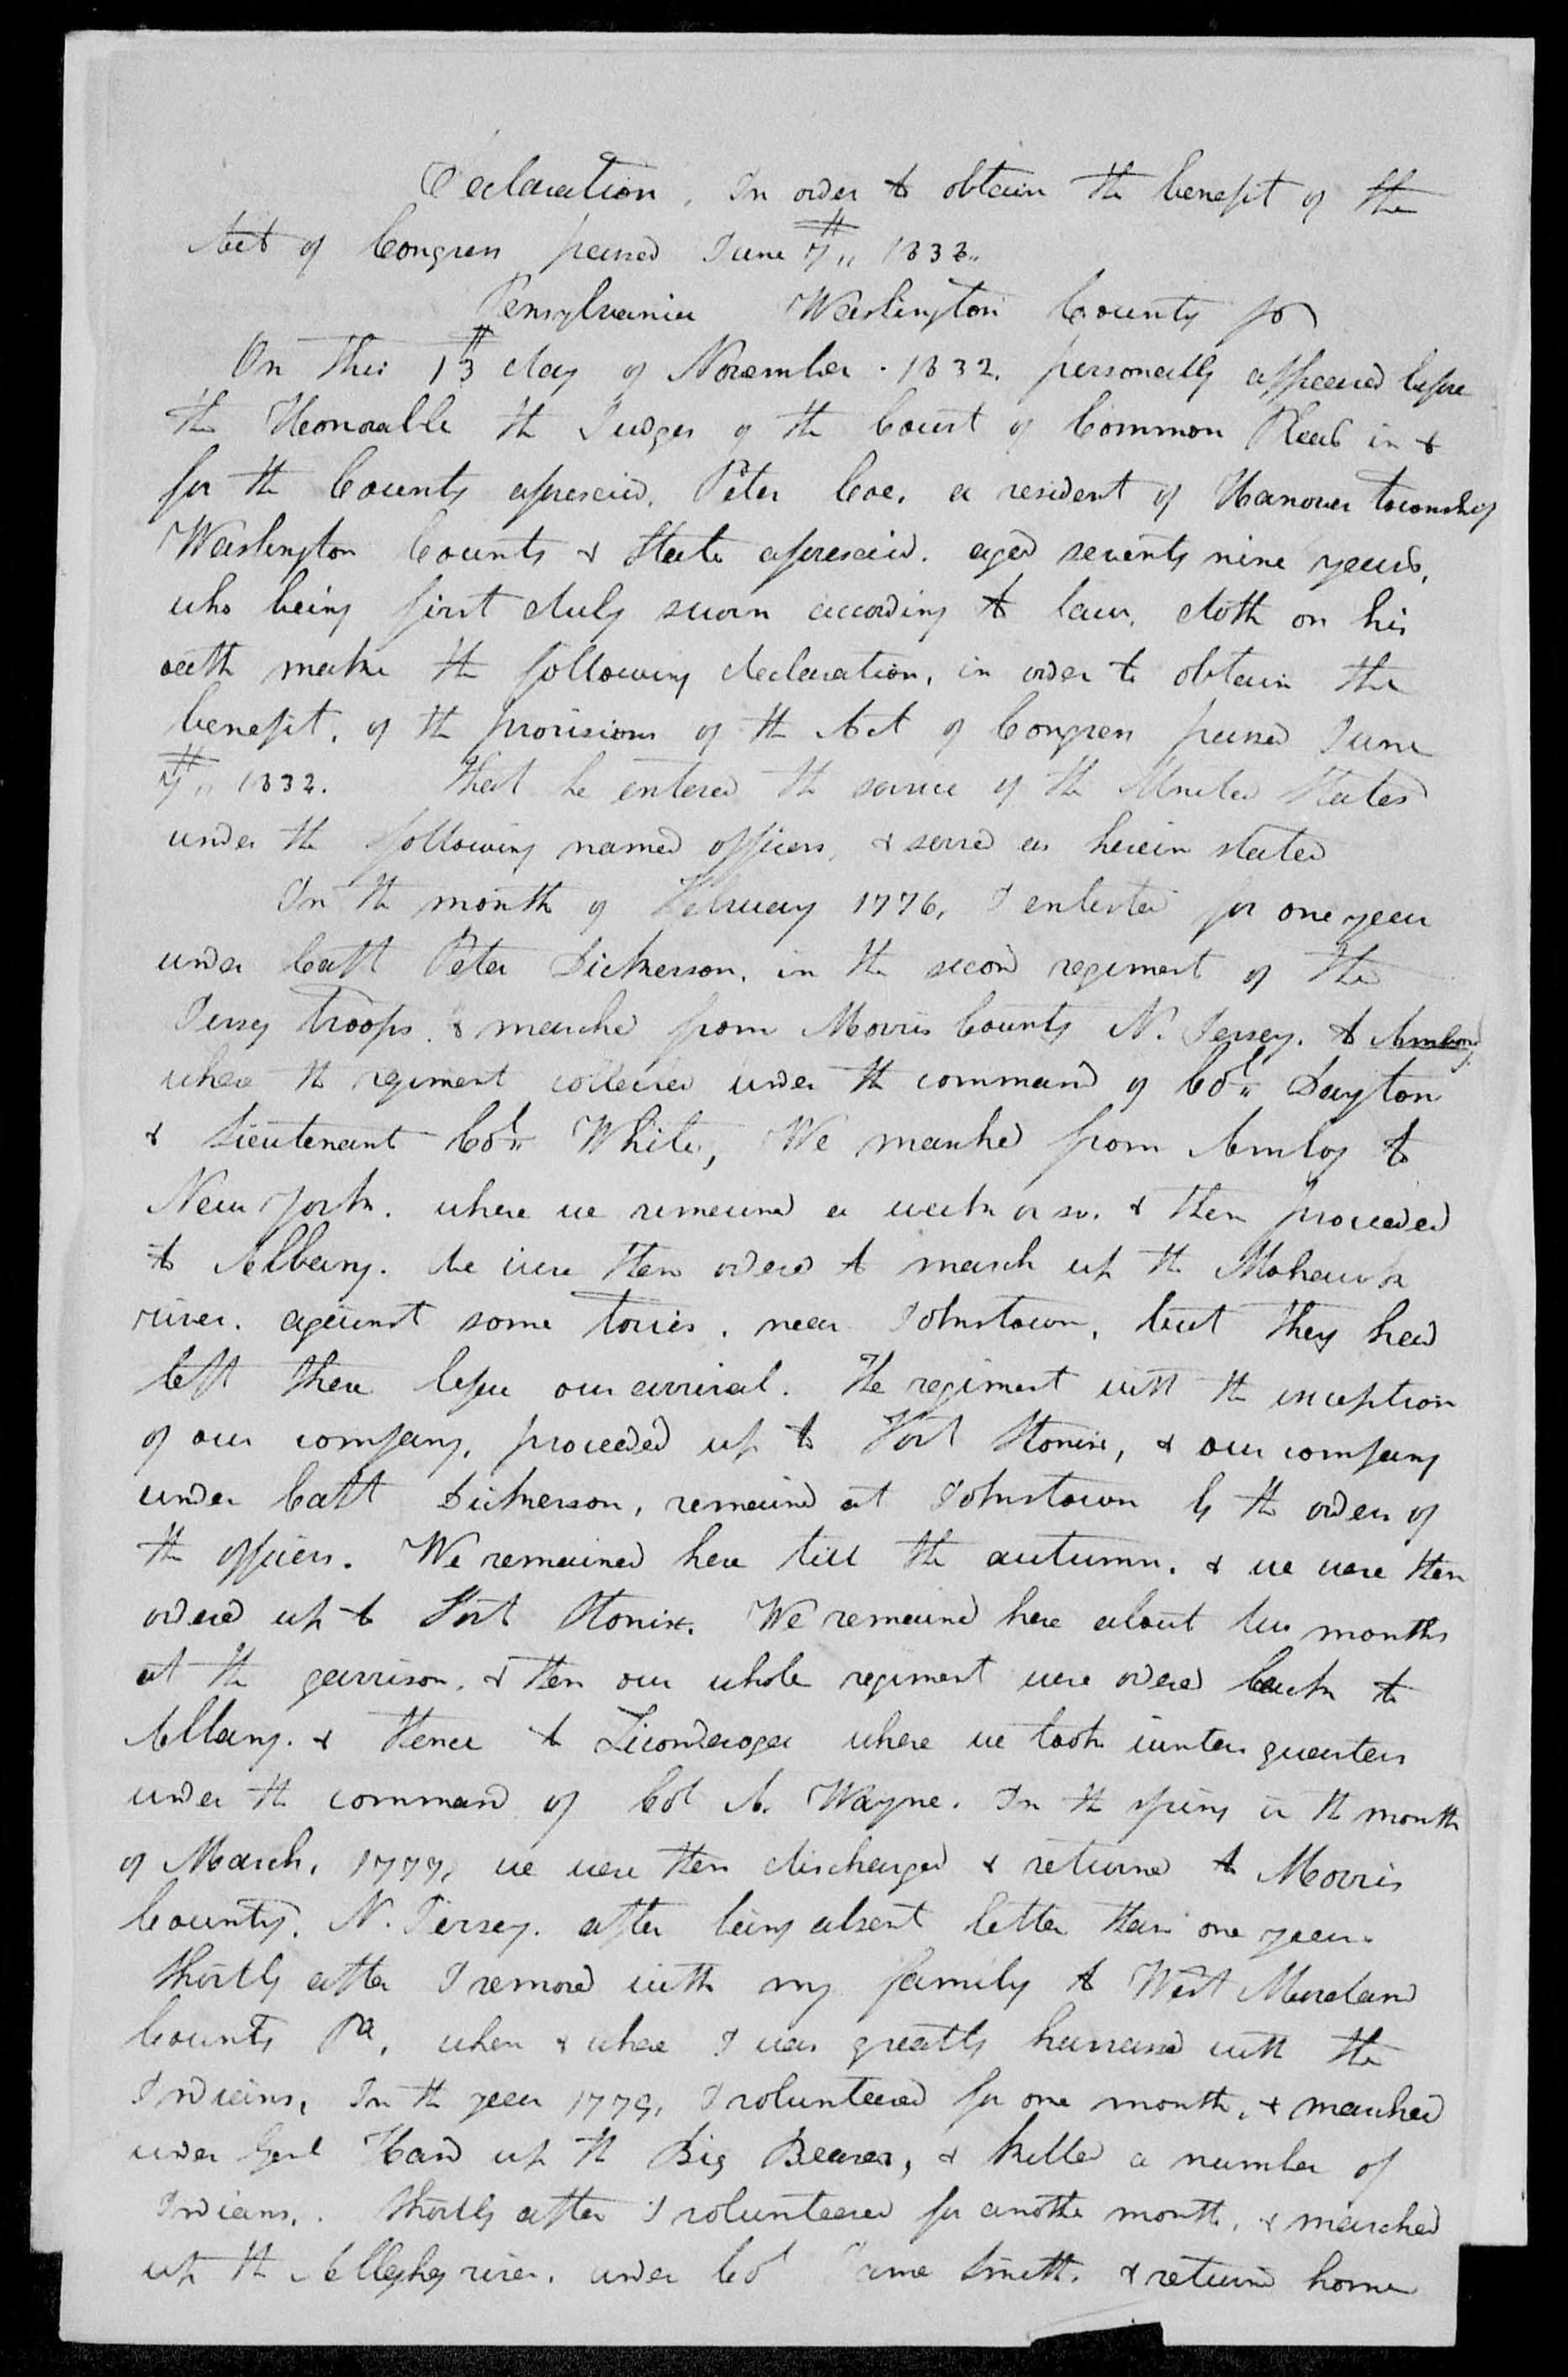Declaration, In order to obtain the benefit of the Act of Congress passed June 6, 1832.
Pennsylvania Washington County SS
On the 13th day of November, 1832, personally appeared before the Honorable the Judges of the Court of Common Pleas in & for the County aforesaid, Peter Coe, a resident of Hanover township Washington County & State aforesaid, aged seventy nine years, who being first duly sworn according to law, doth on his oath make the following declaration, in order to obtain the benefit, of the provisions of the Act of Congress passed June 7th, 1832, that he entered the service of the United States under the following named officers, & served in herein states.
On the month of February 1775, I enlisted for one year under Capt Peter Dickerson, in the second regiment of the Jersey Troops, & marched from Morris County N. Jersey, to Ambry where the regiment collected under the command of Col. Dayton & Lieutenant Col. White, We marched from Ambry of New York, where we remained a week or so, & then proceeded to Albany. We were then ordered to march up the Mohawk river, against some tories, near Johntown, but they had left there before our arrival. The regiment with the inception of our company, proceeded up to Fort Stoner's, & our company under Capt Dickerson, remained at Johntown by the orders of the officers. We remained here about two months at the garrison, & then our whole regiment were ordered [illegible] to Albany, & Thence to Ticonderoga where we took winter quarters under the command of Col A. Wayne. In the spring in the month of March, 1777, we were then discharged & returned to Morris County, N. Jersey. after being absent better than one year. Shortly after I removed with my family to West Moreland County Pa. when & where I was greatly humane with the Indians, In the year 1779, I volunteered for a month, & marched under Genl Hand up the Big Beaver, & killed a number of Indians, Shortly after I volunteered for another month, & marched up the Allegheny river, under Col James Smith. & returned home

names: Jame Smith, Dickerson, Peter Coe, Dayton, White, Peter Dickerson, A Wayne, Hand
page: 4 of 23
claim: survivor's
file: S. 3167, Peter Coe, New Jersey Penn.